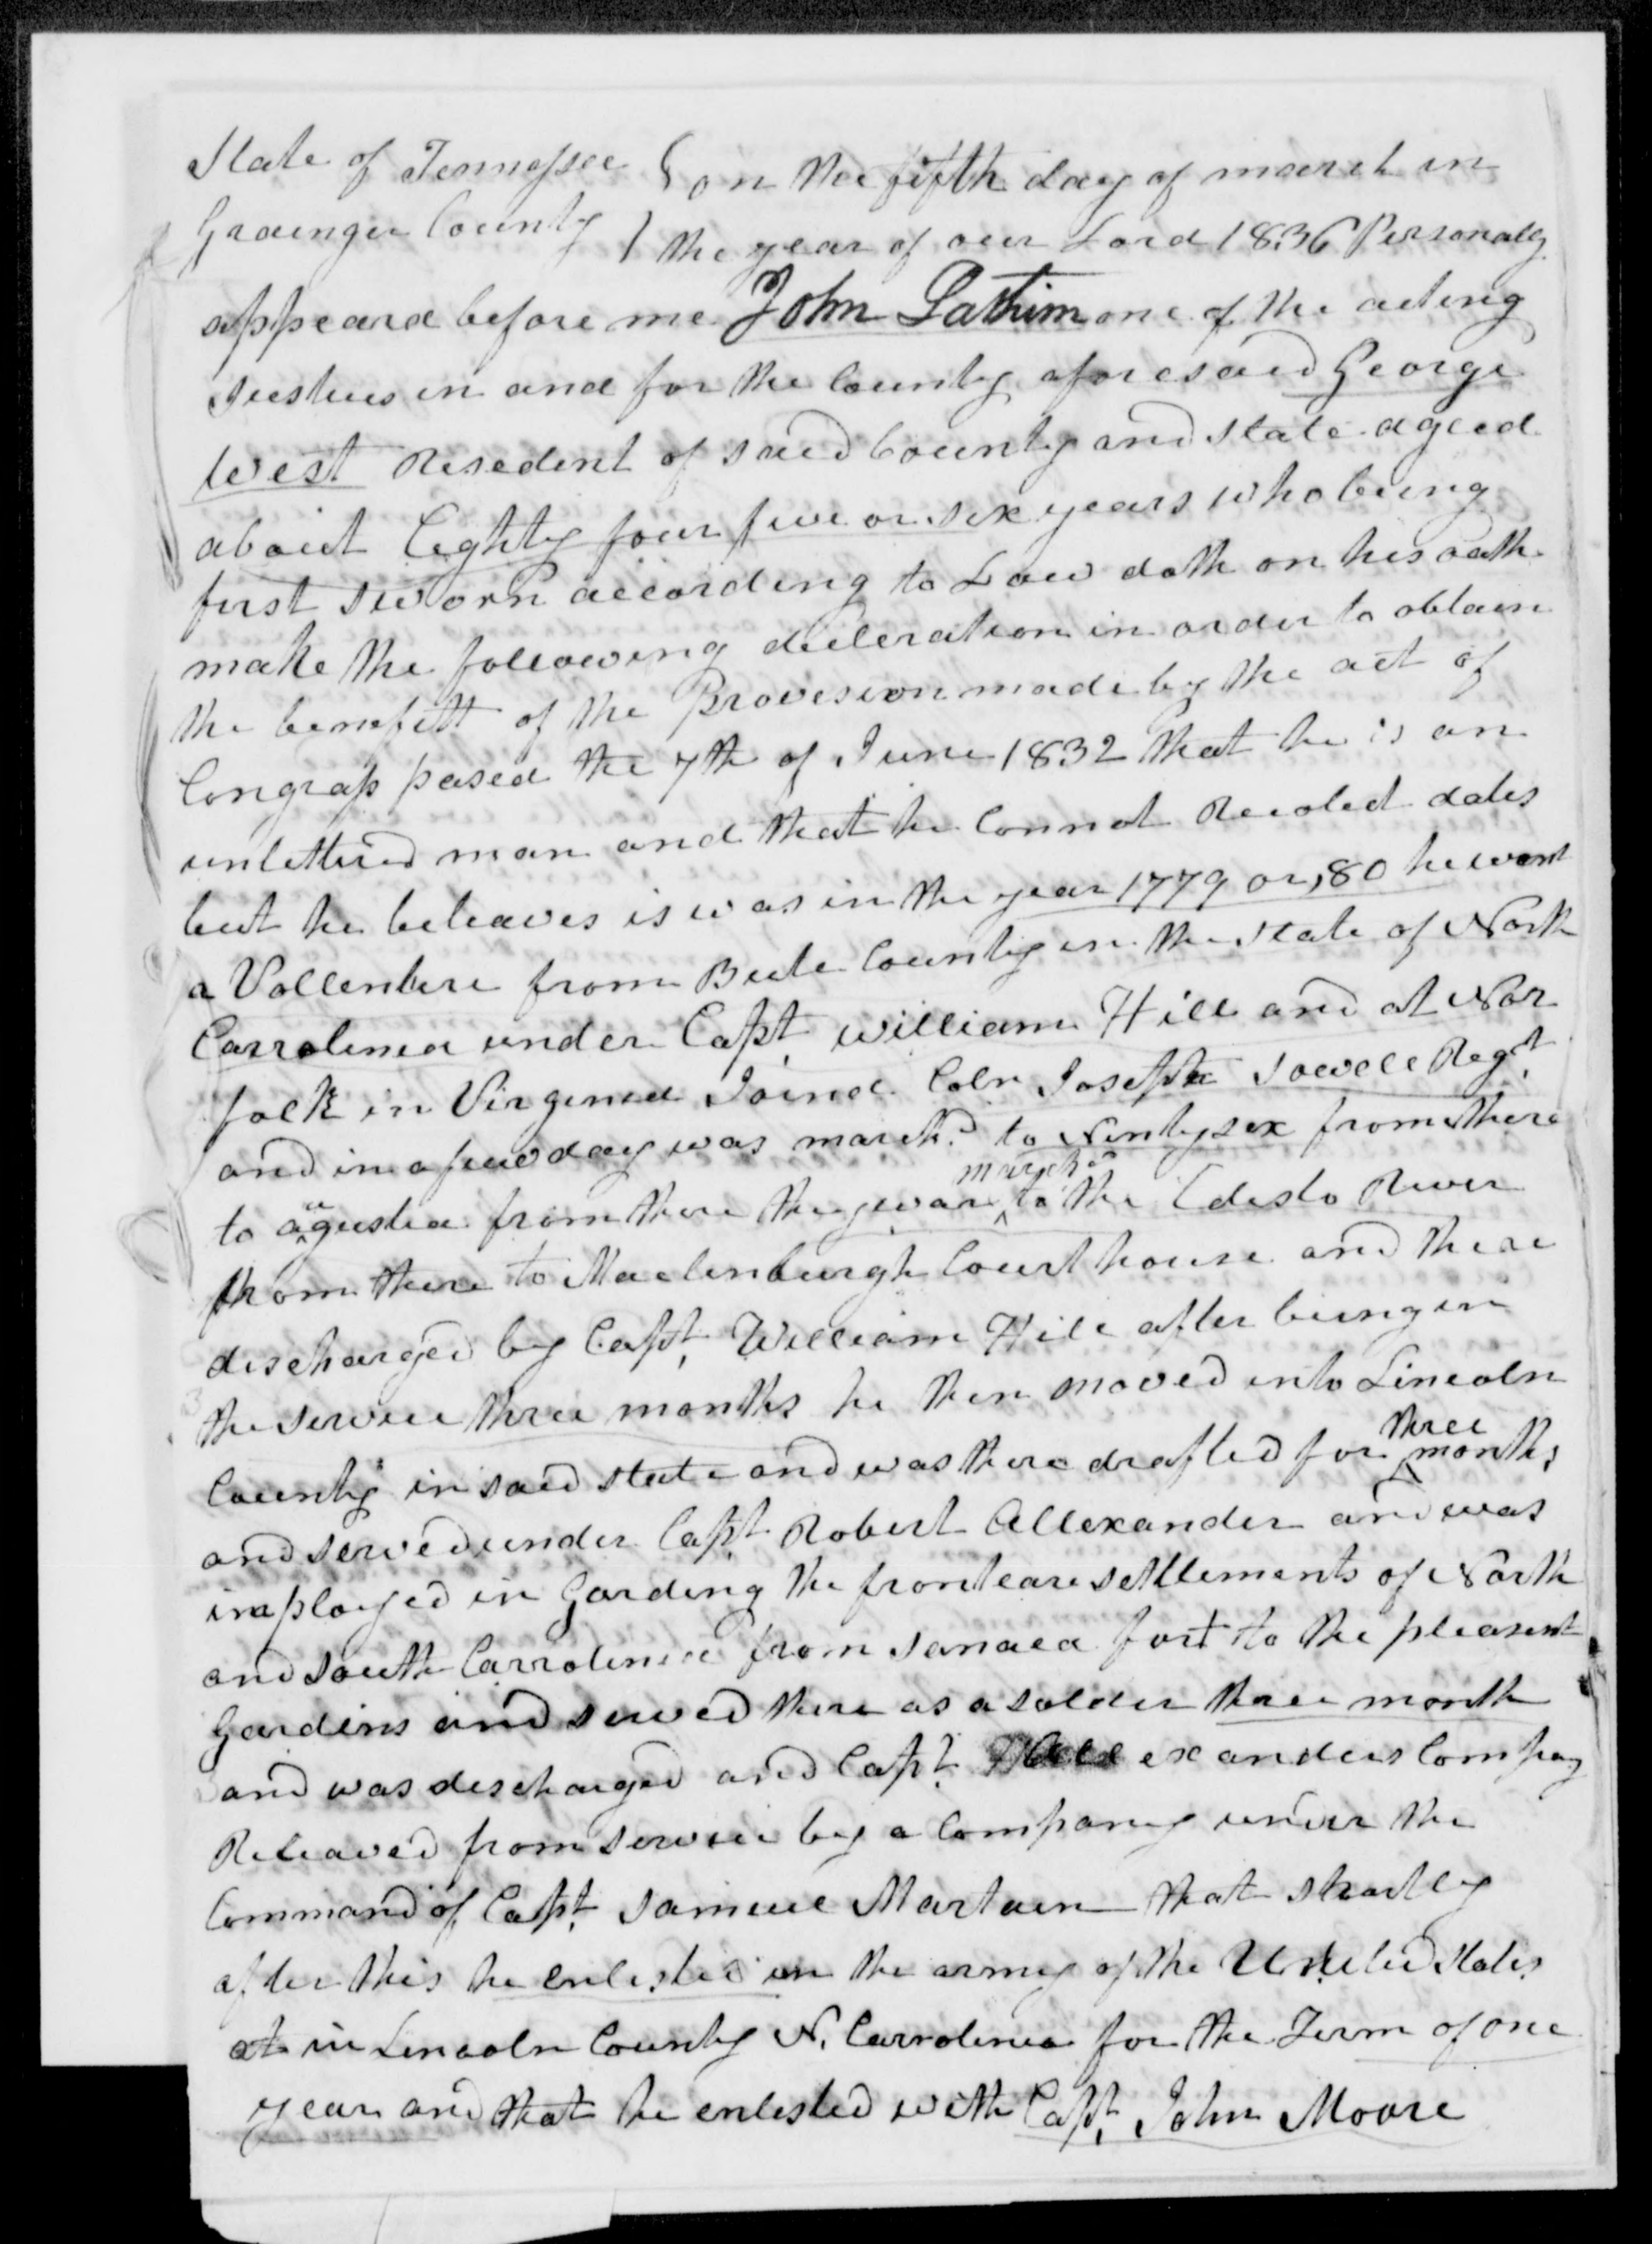State of Tennessee n
Grainger County & 
On the fifth day of March personally appeared before me John Latham one of the acting
Justices in and for the County aforesaid George
West Resident of said County and State aged
about Eighty four five or six years who being
first sworn according to Law doth on his oath
make the following declaration in order to obtain
the benefit of the provision made of the act of
Congress passed the 7th of June 1832
that he is an unlettered man and that he cannot recollect dates but he believes it was in the year 1779 or 80 he was a volunteer from Bute County in the State of North Carolina under Capt William Hill and Maj. [?] Jack  in Virginia - Joined Col Joseph Sowell Regiment and in a few day was marched to Ninety Six from there to Augusta from there they march to the Edisto River
from there [illegible] to Mecklenburg Court house and there discharged by Capt William Hill after being in the service three months - he then moved into Lincoln County in said state and was there drafted for three months and served under Capt Robert Alexander and was employed in Guarding the frontier settlements of North and South Carolina from Seneca fort to the Pleasant
Gardens and served there as a solder three month
and was discharged and Capt Alexander's company - Relieved from Seneca by a company under the command of Capt Samuel Martin - that shortly after this he enlisted in the army of the United States in Lincoln County N. Carolina for the Term of one year and that he enlisted with Capt John Moore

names: Samuel Martain, William Hill, John Lathim, Robert Allexander, George West, John Moore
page: 3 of 14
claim: rejected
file: R. 11,338, George West, N.C.